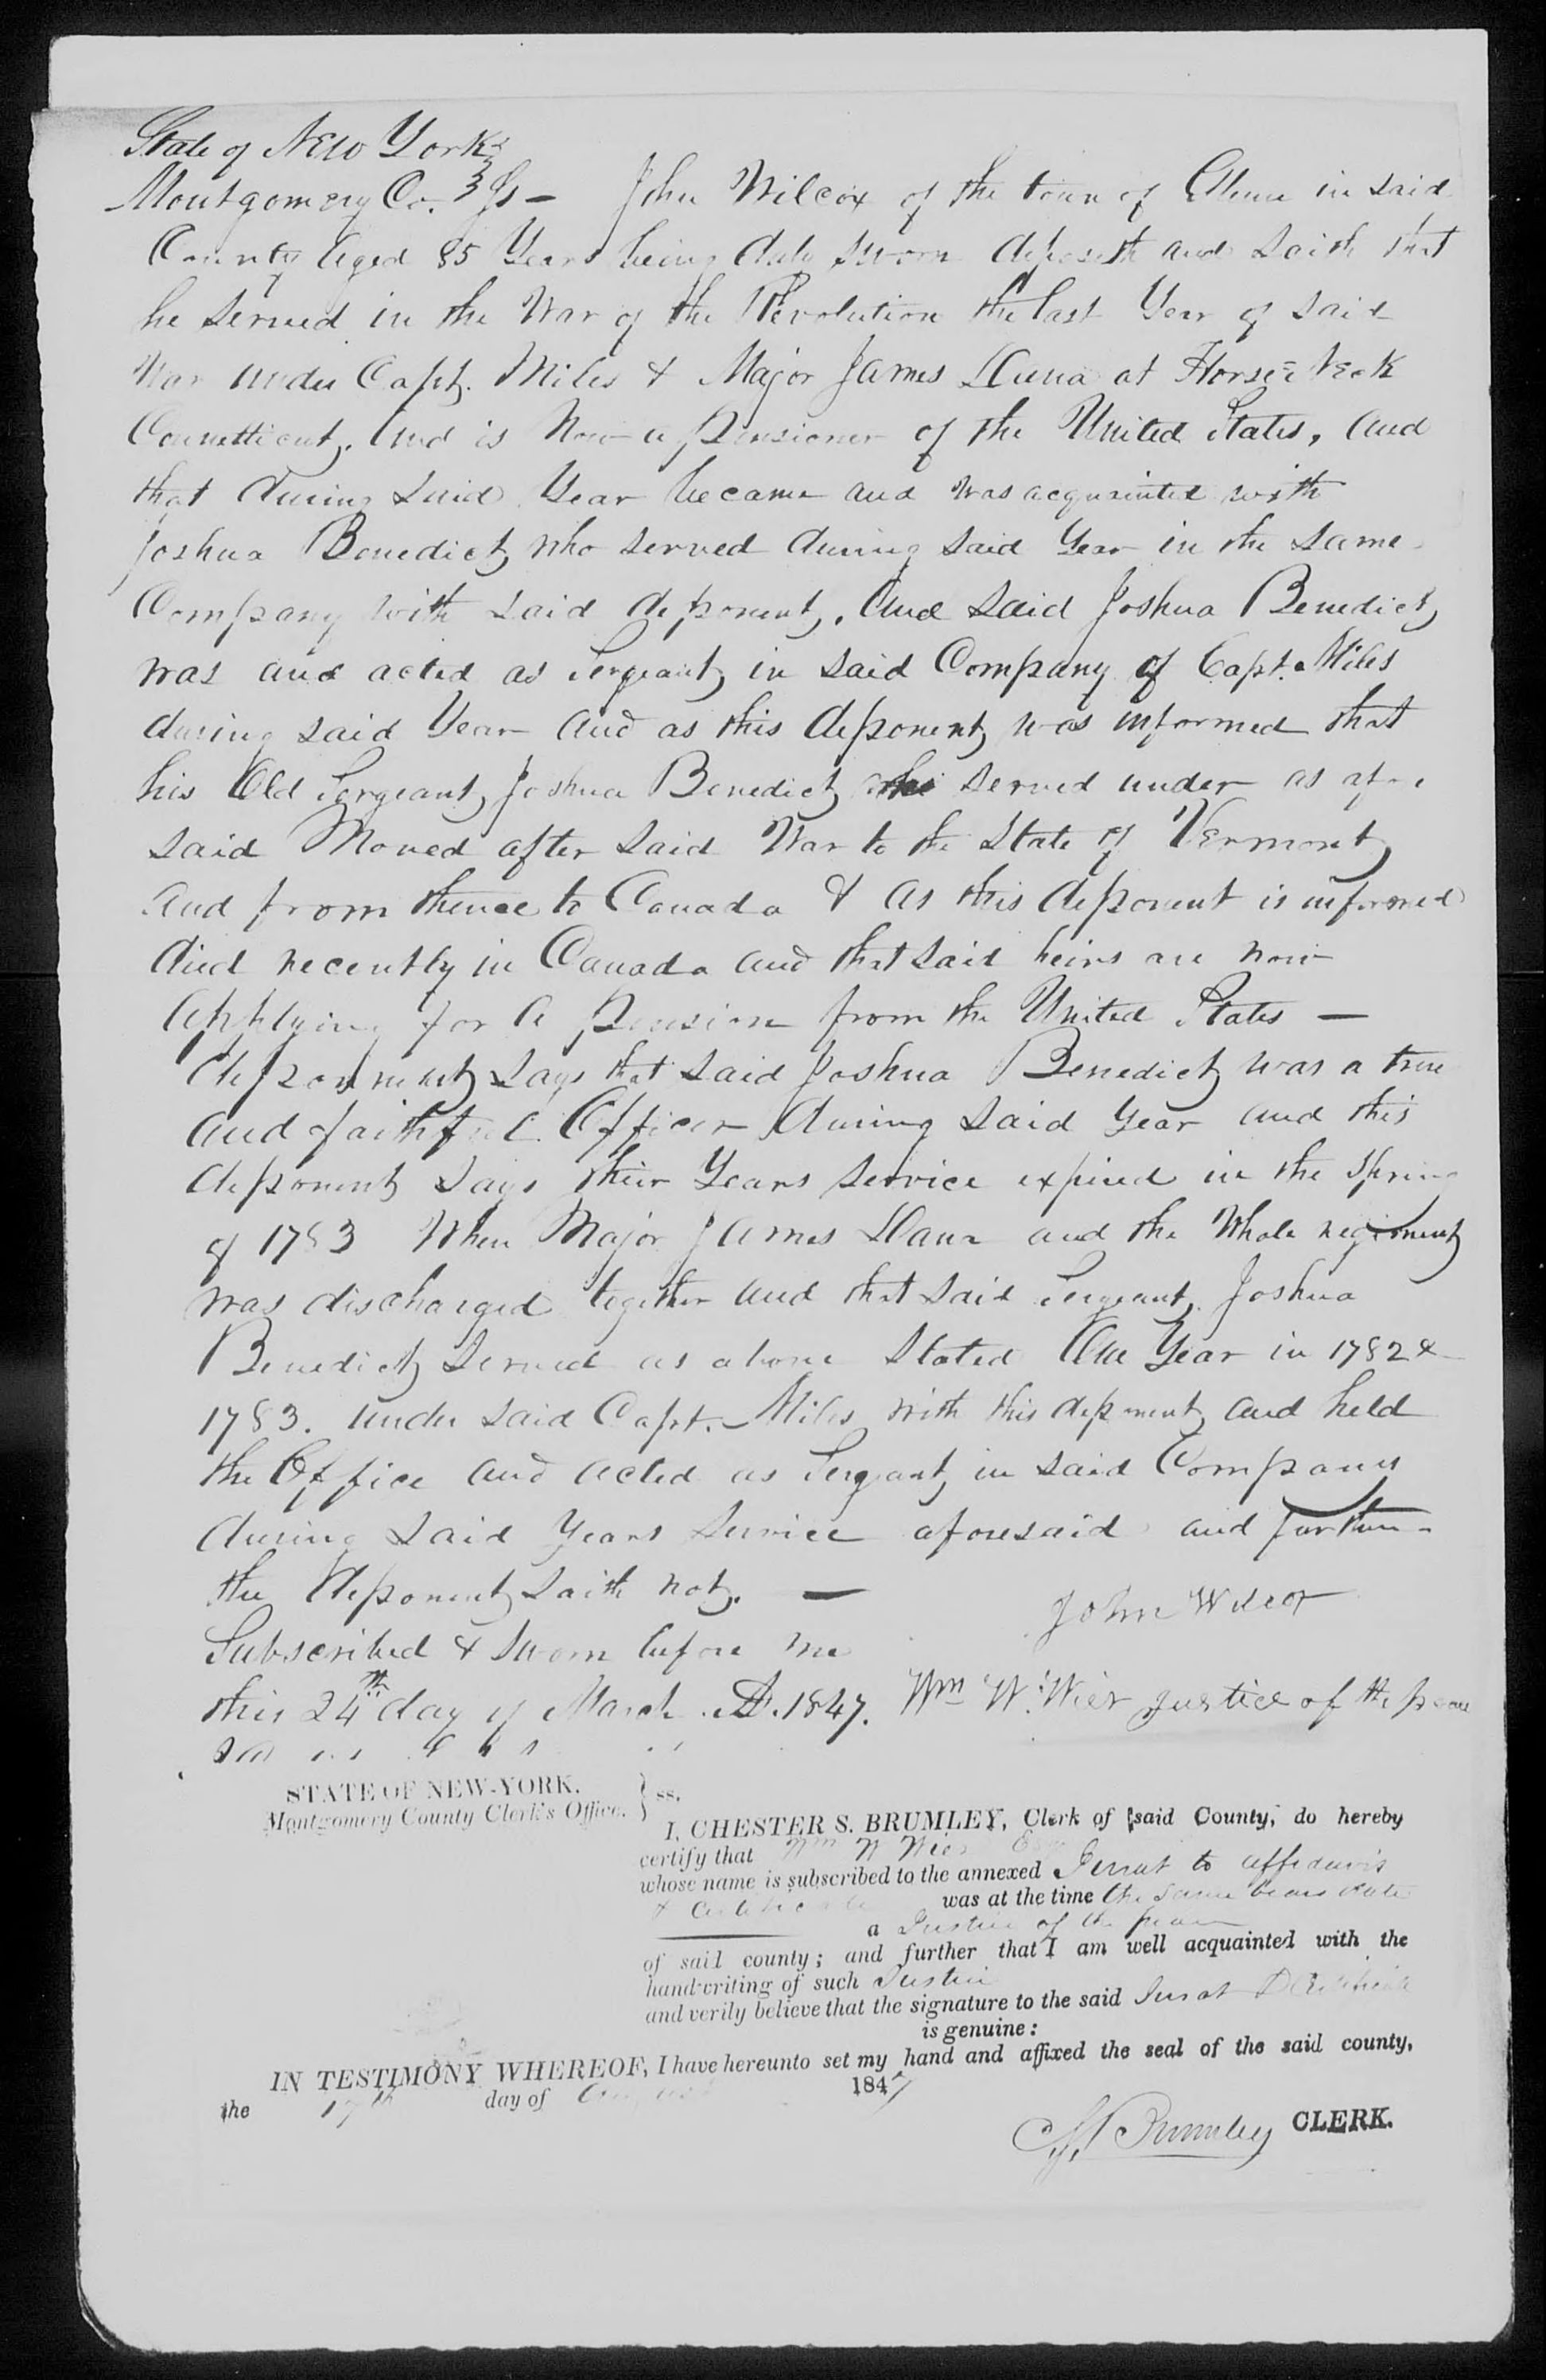State of New York
Montgomery Co. } Ss- John Wilcox of the town of Glenn [Glen] in said County Aged 85 Years being duly sworn deposeth and saith that he served in the War of the Revolution the last Year of said War under Capt. Miles & Major James Dana at Horse Neck Connecticut. And is now a Pensioner of the United States, and that during said Year became and was acquainted with  Joshua Benedict who served during said Year in the same Company with said deponent. And said Joshua Benedict was and acted as Sergeant in said Company of Capt. Miles during said Year and as this deponent was informed that his Old Sergeant Joshua Benedict he served under as aforesaid moved after said War to the State of Vermont and from thence to Canada & as this deponent is informed died recently in Canada and that said heirs are now Applying for a Pension from the United States. Deponent says that said Joshua Benedict was a true and faithful Officer during said Year and this deponent says their Years service expired in the Spring of 1783 When Major James Dana and the Whole regiment was discharged together and that said Sergeant Joshua Benedict served as above Stated One Year in 1782 & 1783. under said Capt. Miles with this deponent and held the Office and acted as Sergeant in said Company during said years service aforesaid and furthermore the deponent saith not.
John Wilcox

Subscribed & sworn before me this 24th day of March AD. 1847. Wm W. Wier Justice of the peace
[text cut off]

[overlying paper] STATE OF NEW-YORK.
Montgomery County Clerk's Office, } ss.
I, CHESTER S. BRUMLEY, Clerk of said County, do hereby certify that Wm W Wier Esq whose name is subscribed to the annexed Jurat to affidavit & certificate was at the time the same [illegible] date a Justice of the peace of said county; and further that I am well acquainted with the hand-writing of such Justice and verily believe that the signature to the said Jurat to Witness is genuinte:
IN TESTIMONY WHEREOF, I have hereunto set my hand and affixed the seal of the said county, the 17th day of August 1847
C.S. Brumley CLERK.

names: Joshua Benedict, James Dana, John Wilcox, J Brumley, Wm W Wier, Miles, James Dana, John Wilcox, Joshua Benedict, Joshua Benedict, Wm W Wier, Joshua Benedict, Miles, Joshua Benedict, Chester S Brumley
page: 57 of 106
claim: survivor's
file: S 23,116., Joshua Benedict, Conn.